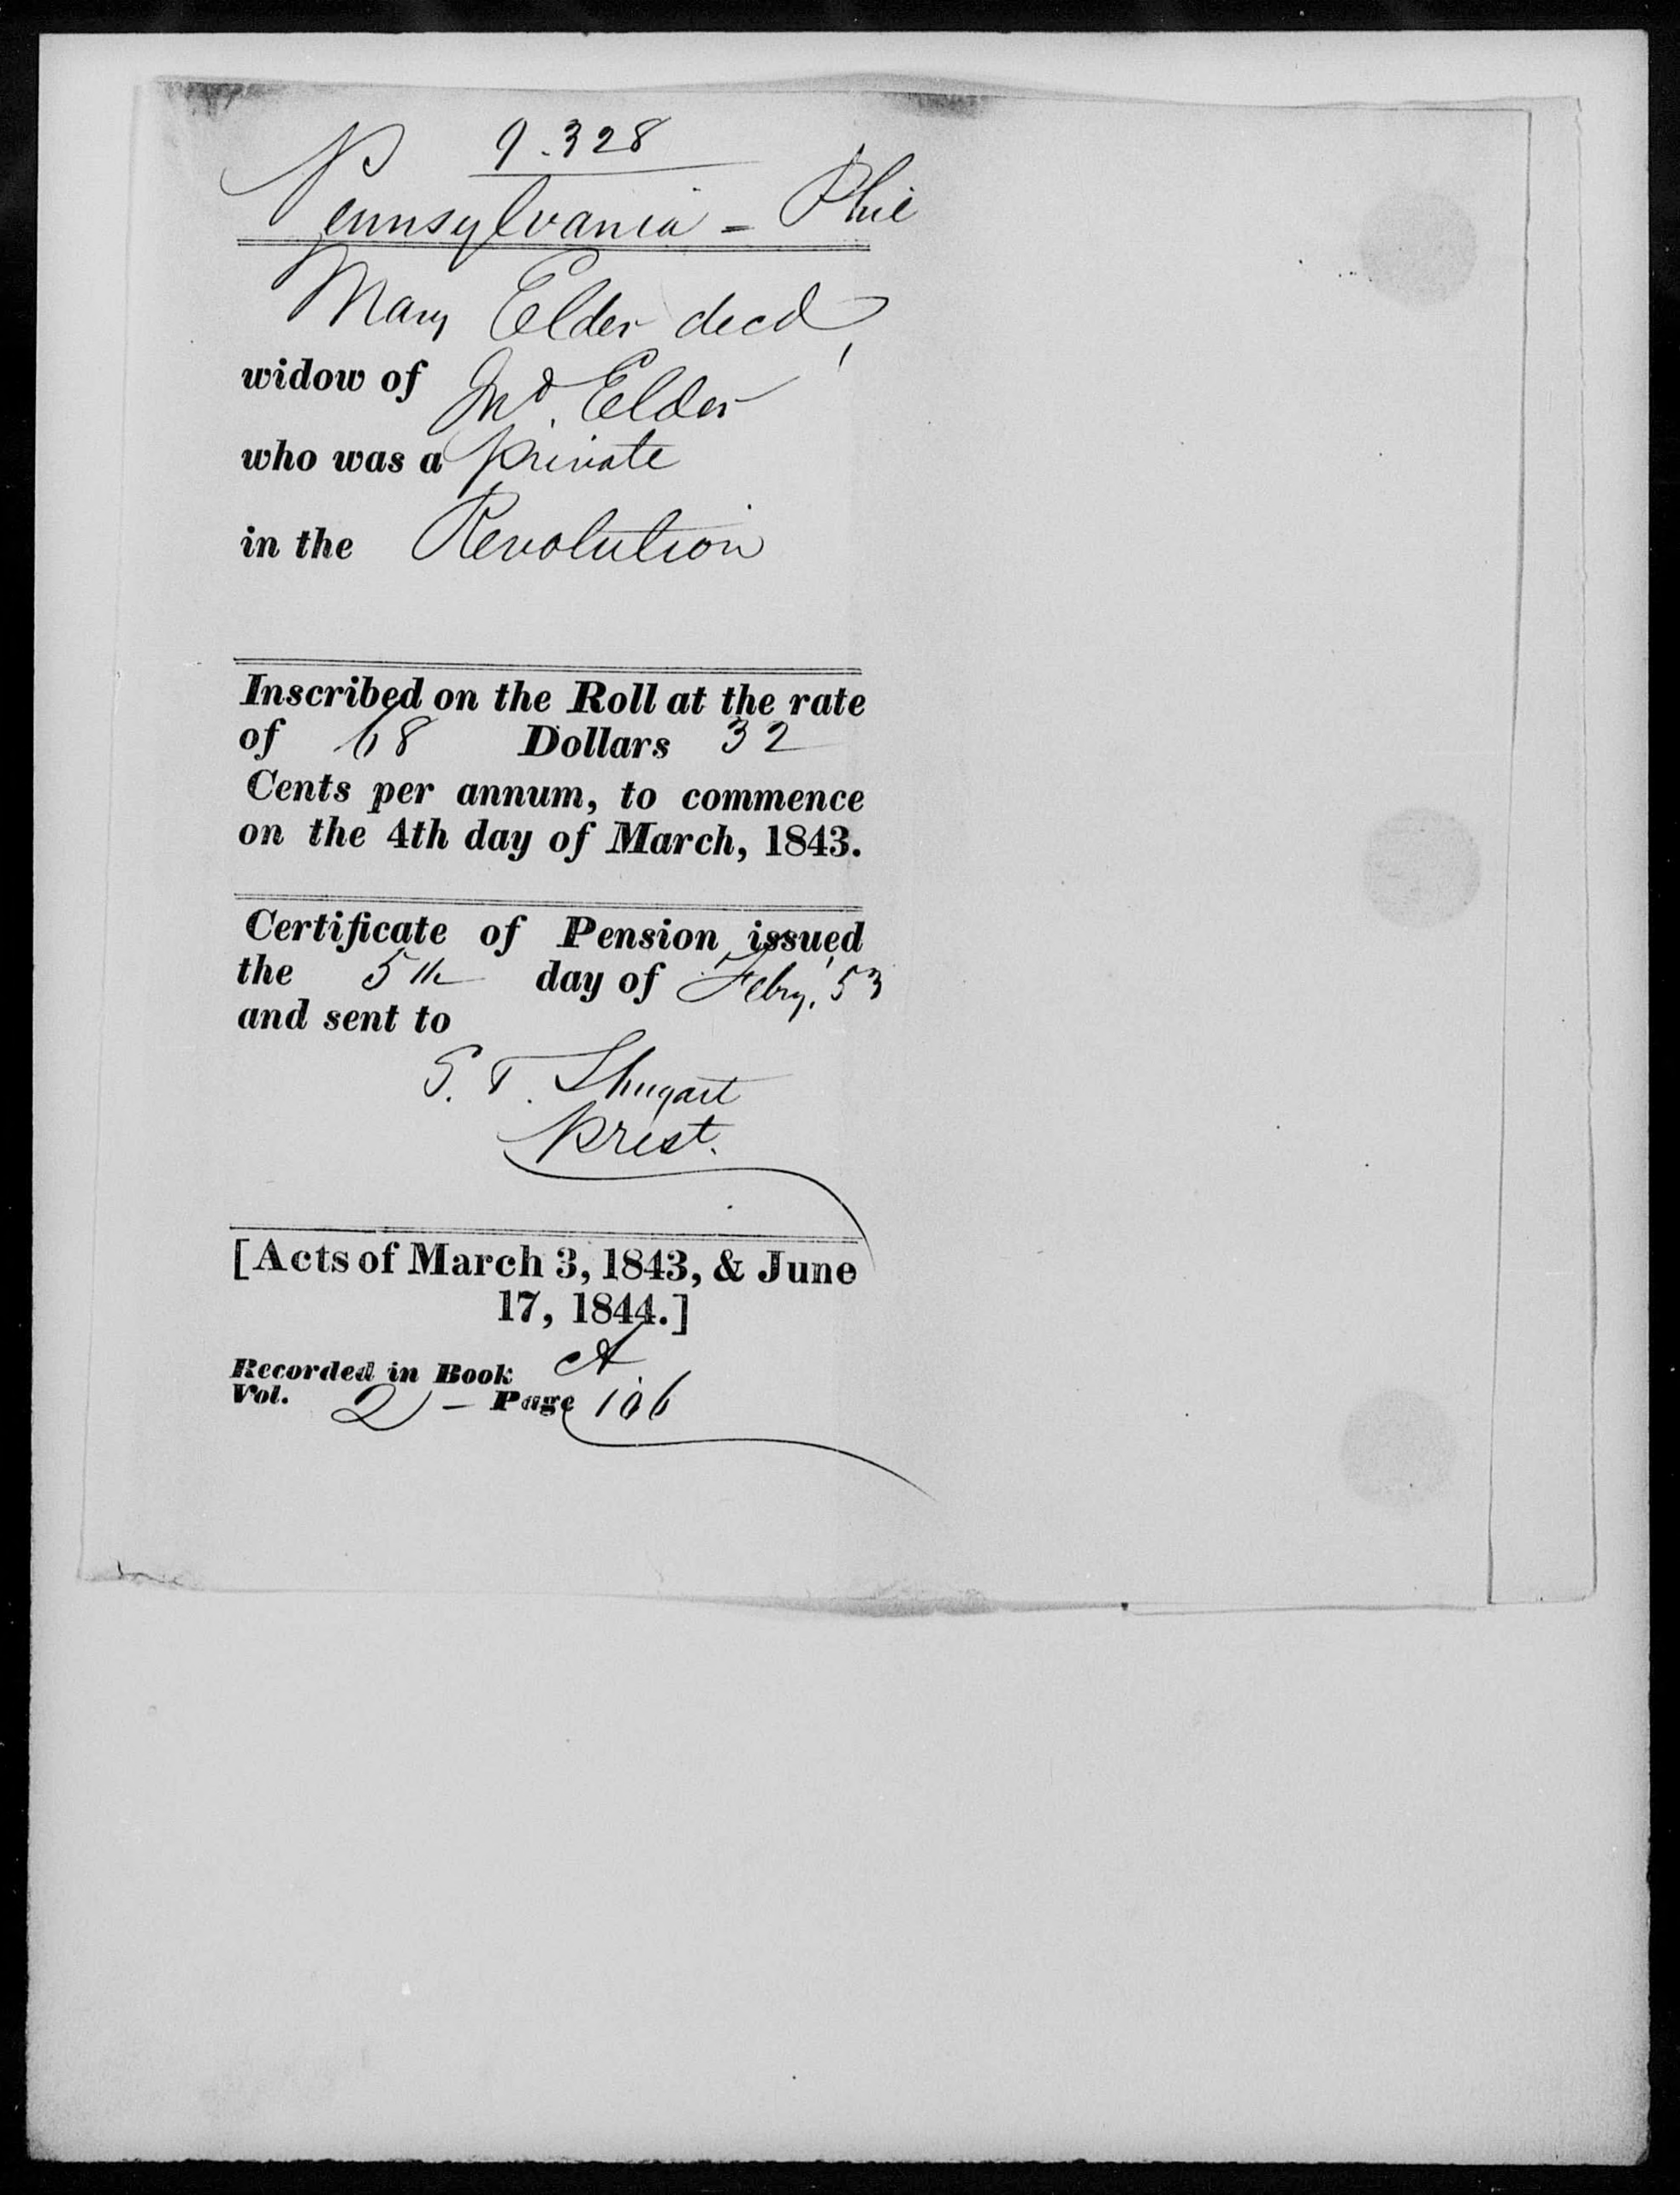9328
Pennsylvania Plue
Mary Elder Decd
widow of Jno Elder
who was a private
in the Revolution

Inscribed on the Roll at the rate
of 68 Dollars 32
Cents per annum, to commence
on the 5th day of Febry '53
and sent to S.T.Shugart
Prist

[Acts of March 3, 1843, & June 17, 1844.]
Recorded in Book A
Vol. 2 Page 106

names: Jno Elder, Mary Elder, S T Shugart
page: 54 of 80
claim: widow's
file: W. 24117, John Elder, Penn.